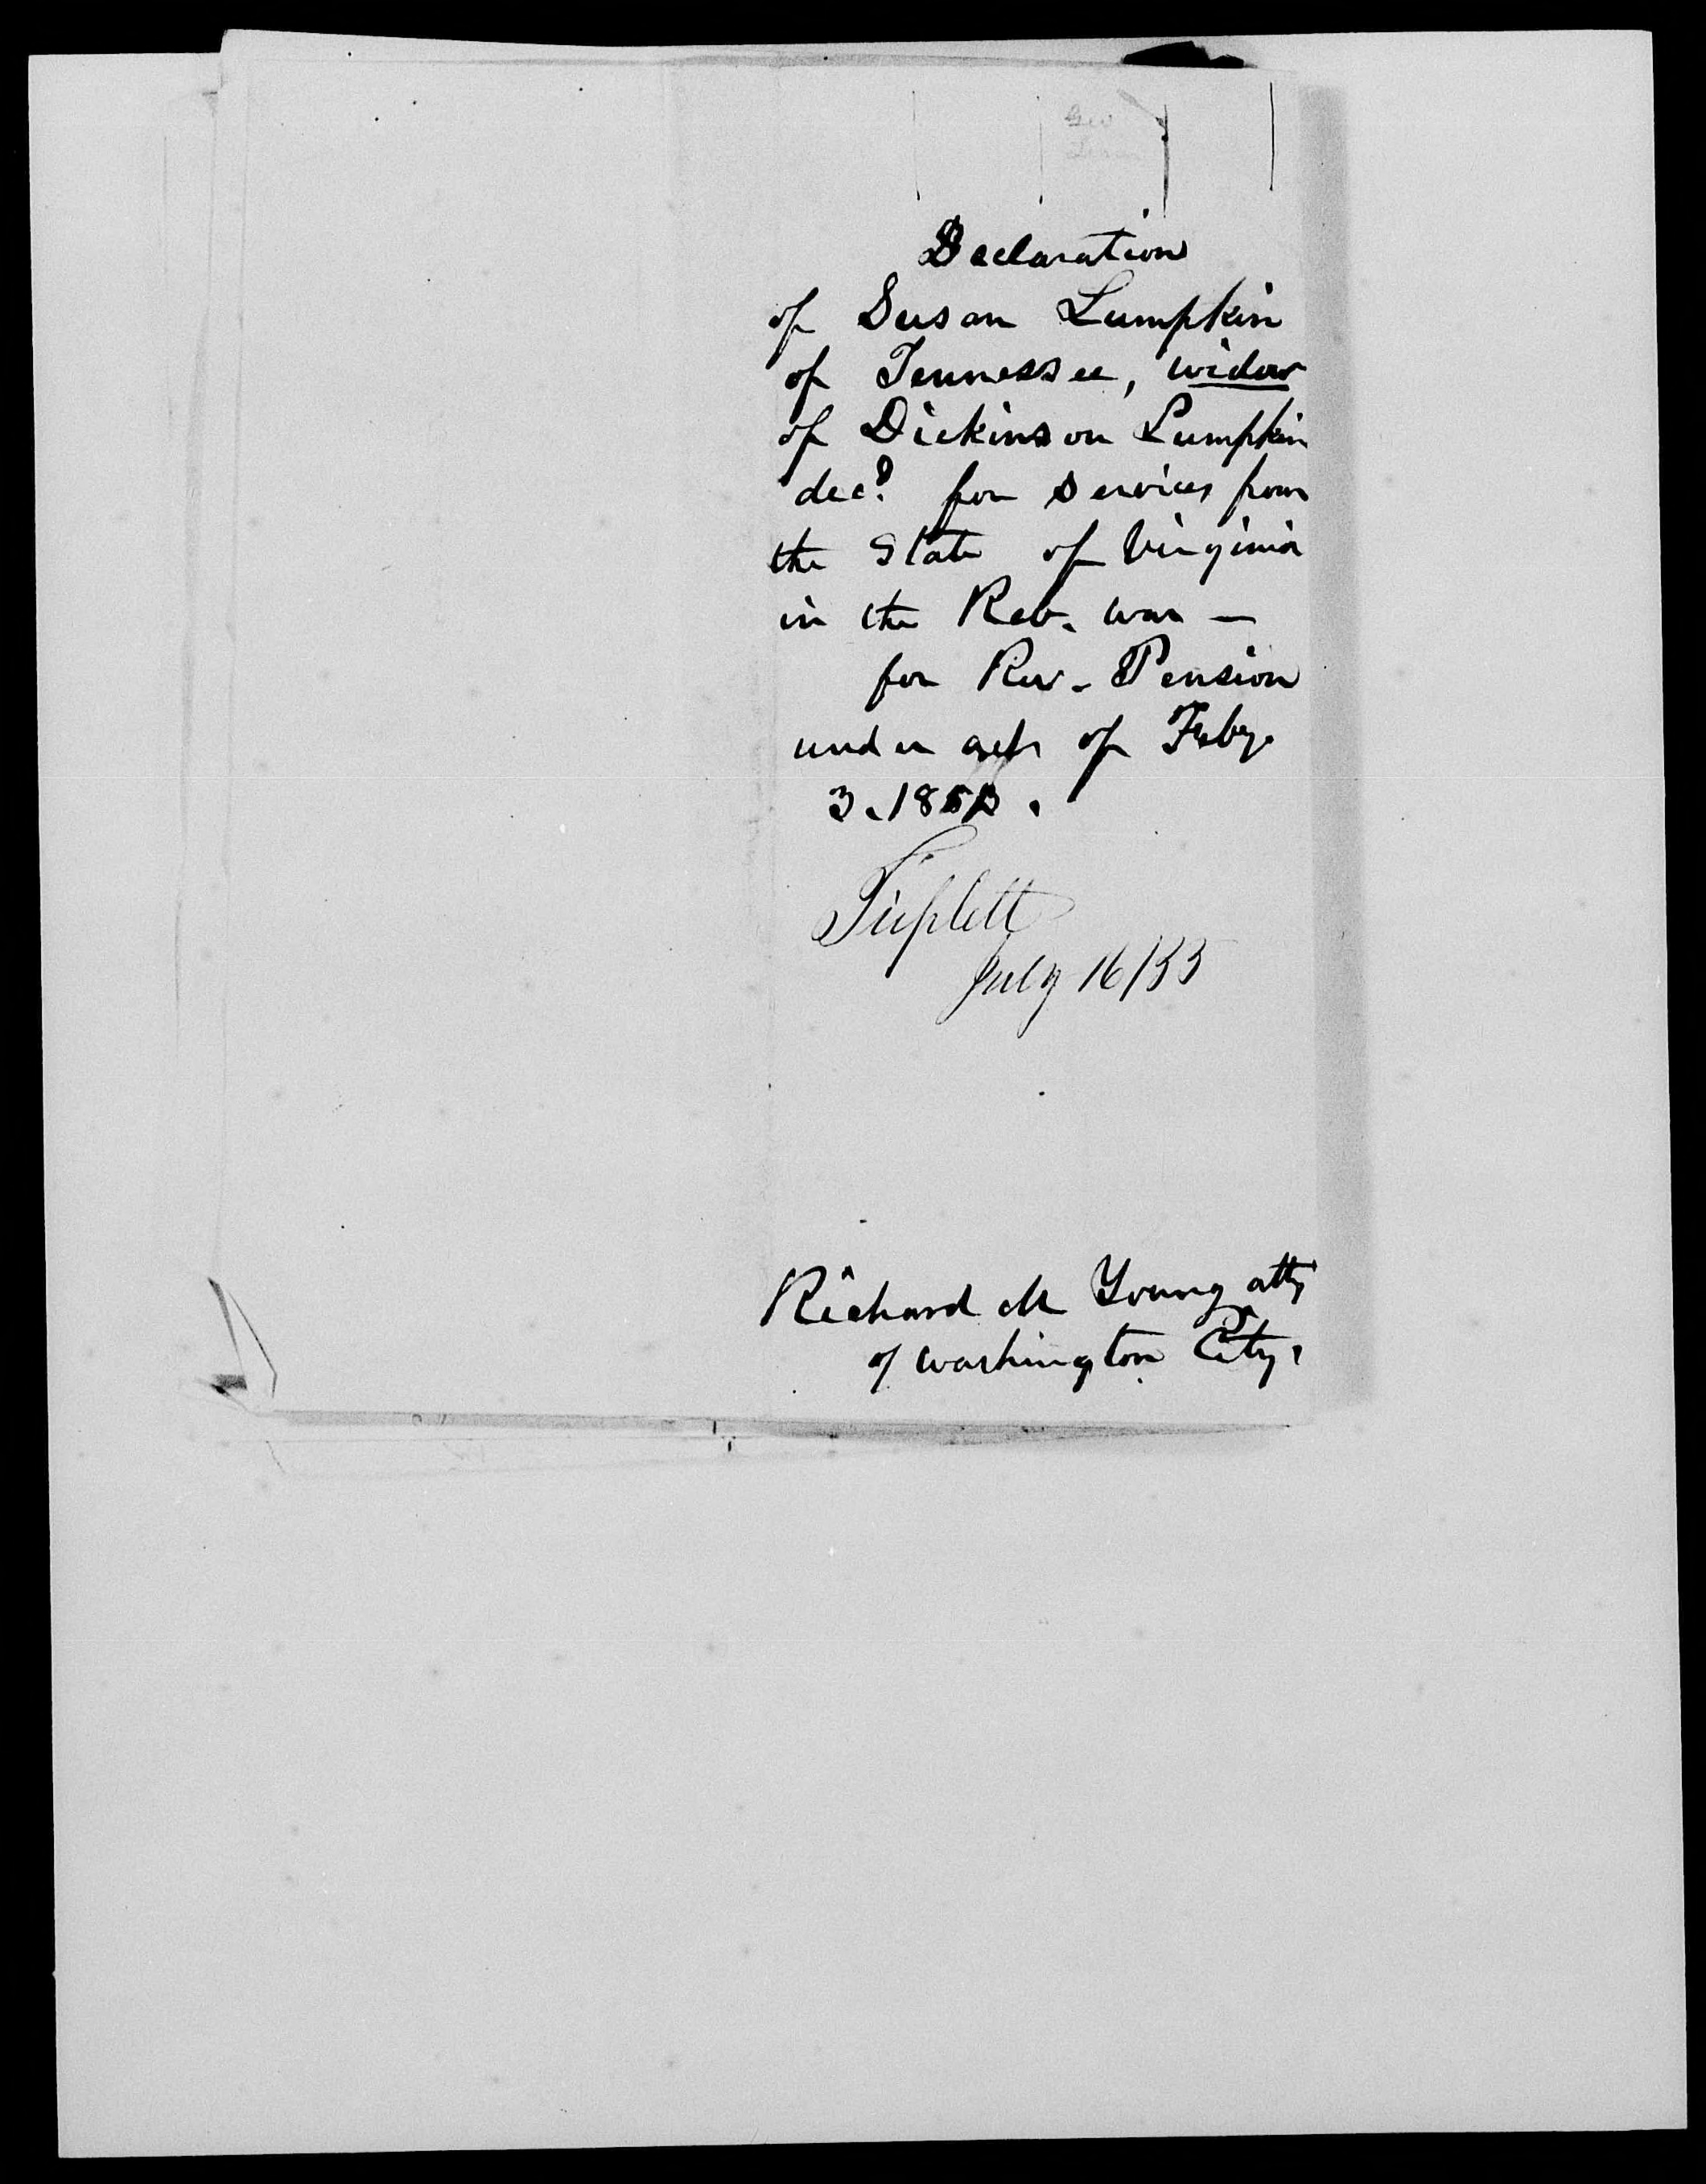(Handwritten document)

Declaration of Susan Lumpkin of Tennessee
widow of Dickinson Lumpkin decd for services from the State of Virginia in the Rev. War
for Rev Pension under get of Feby 3, 185(illegible).

Triplett
July 16/33

Richard M Young atty of Washington City.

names: Susan Lumpkin; Richard M Young; Dickinson Lumpkin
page: 10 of 37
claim: rejected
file: R. 6521, for Dickeson Lumpkin, Pennsylvania